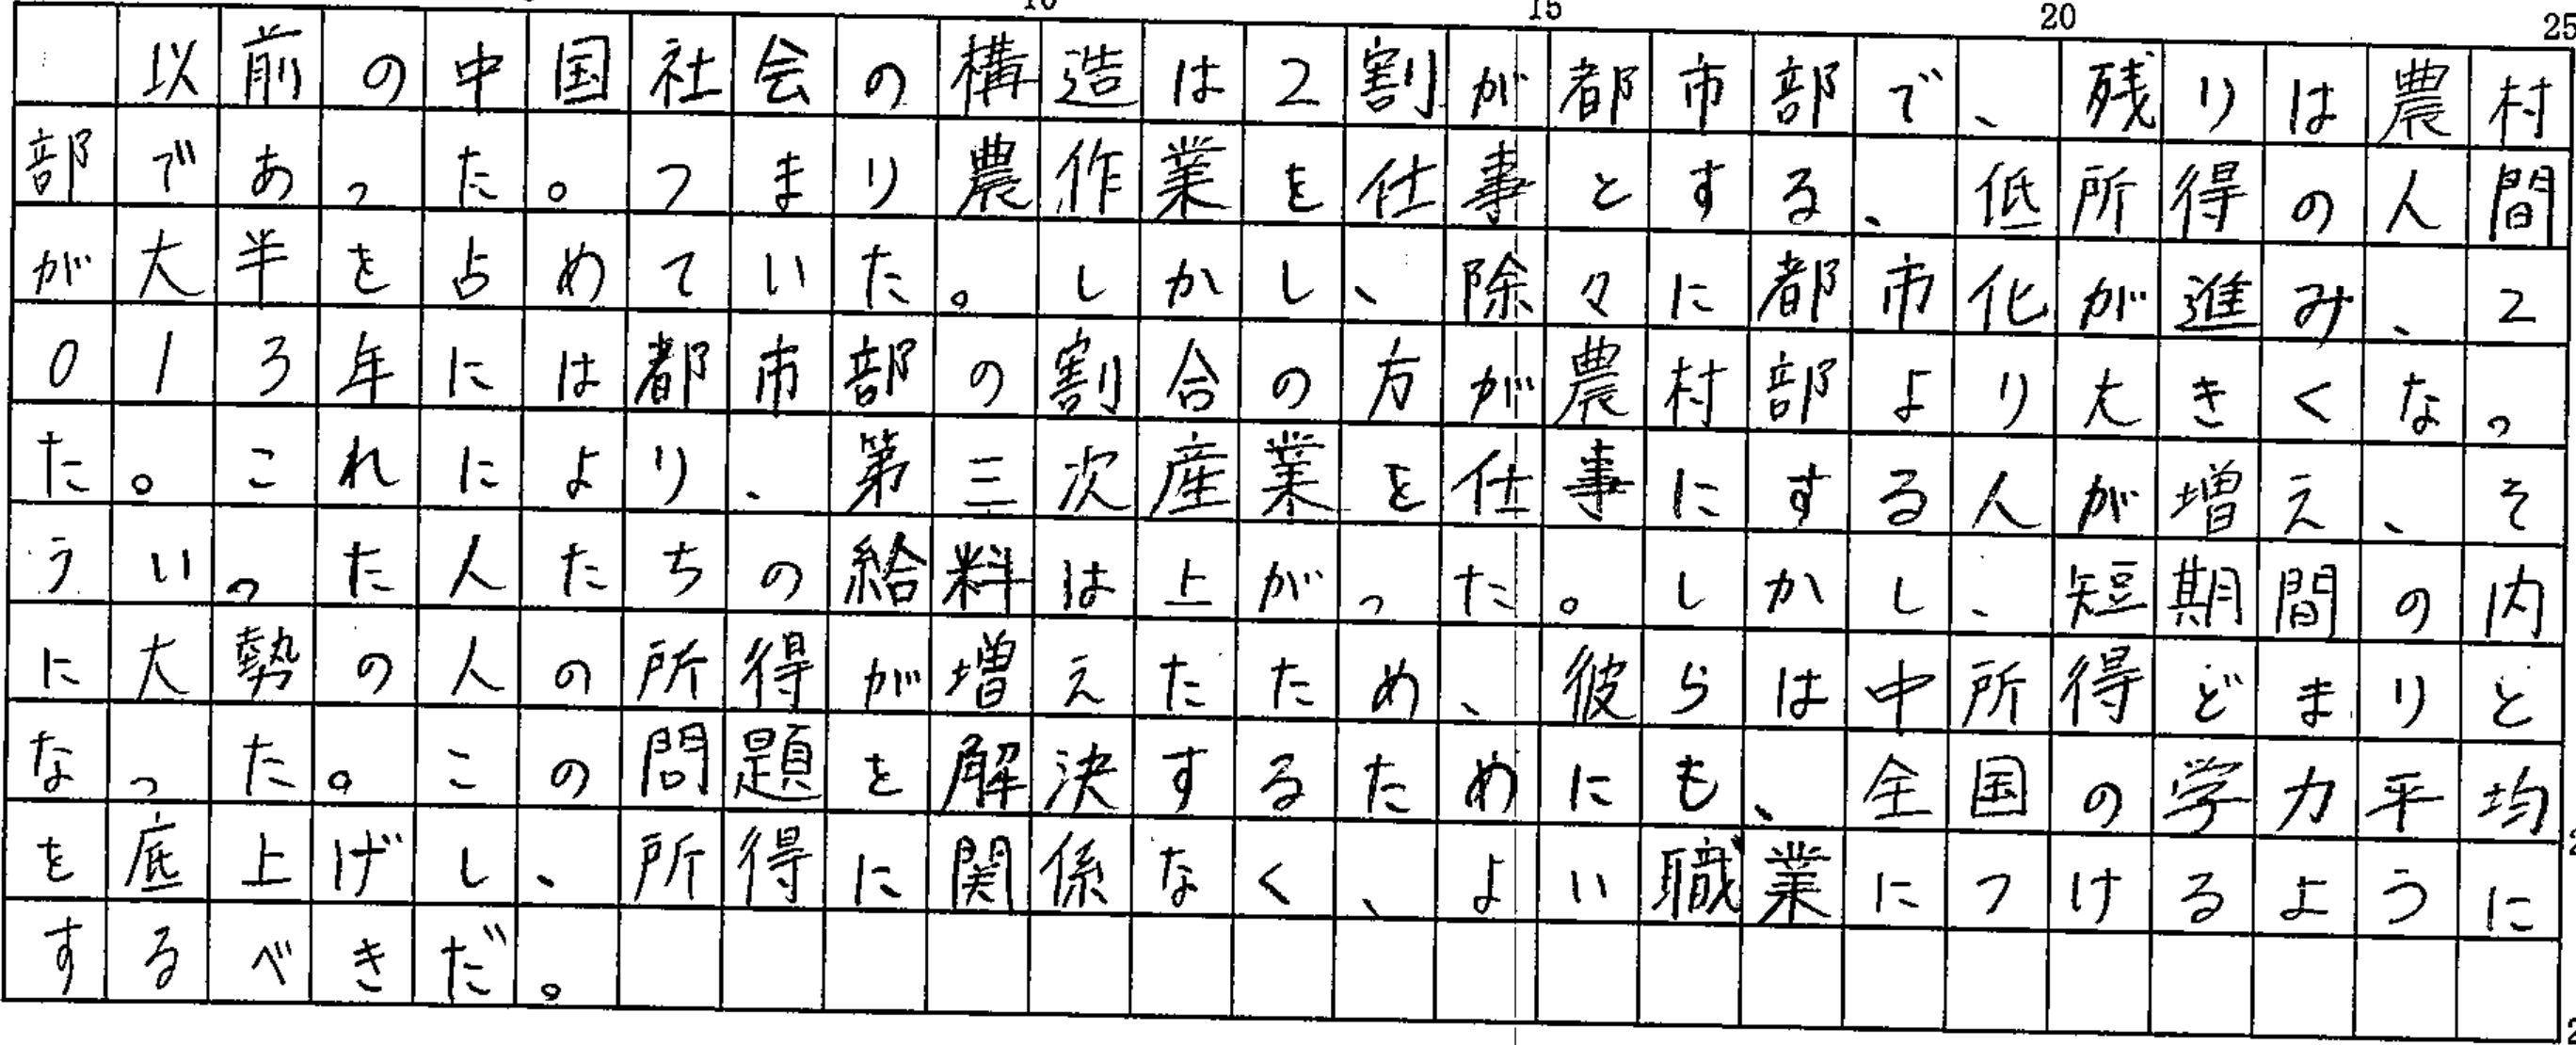　以前の中国社会の構造は２割が都市部で、残りは農村部であった。つまり農作業を仕事とする、低所得の人間が大半を占めていた。しかし、除々に都市化が進み、２０１３年には都市部の割合の方が農村部より大きくなった。これにより、第三次産業を仕事にする人が増え、そういった人たちの給料は上がった。しかし、短期間の内に大勢の人の所得が増えたため、彼らは中所得どまりとなった。この問題を解決するためにも、全国の学力平均を底上げし、所得に関係なく、よい職業につけるようにするべきだ。
